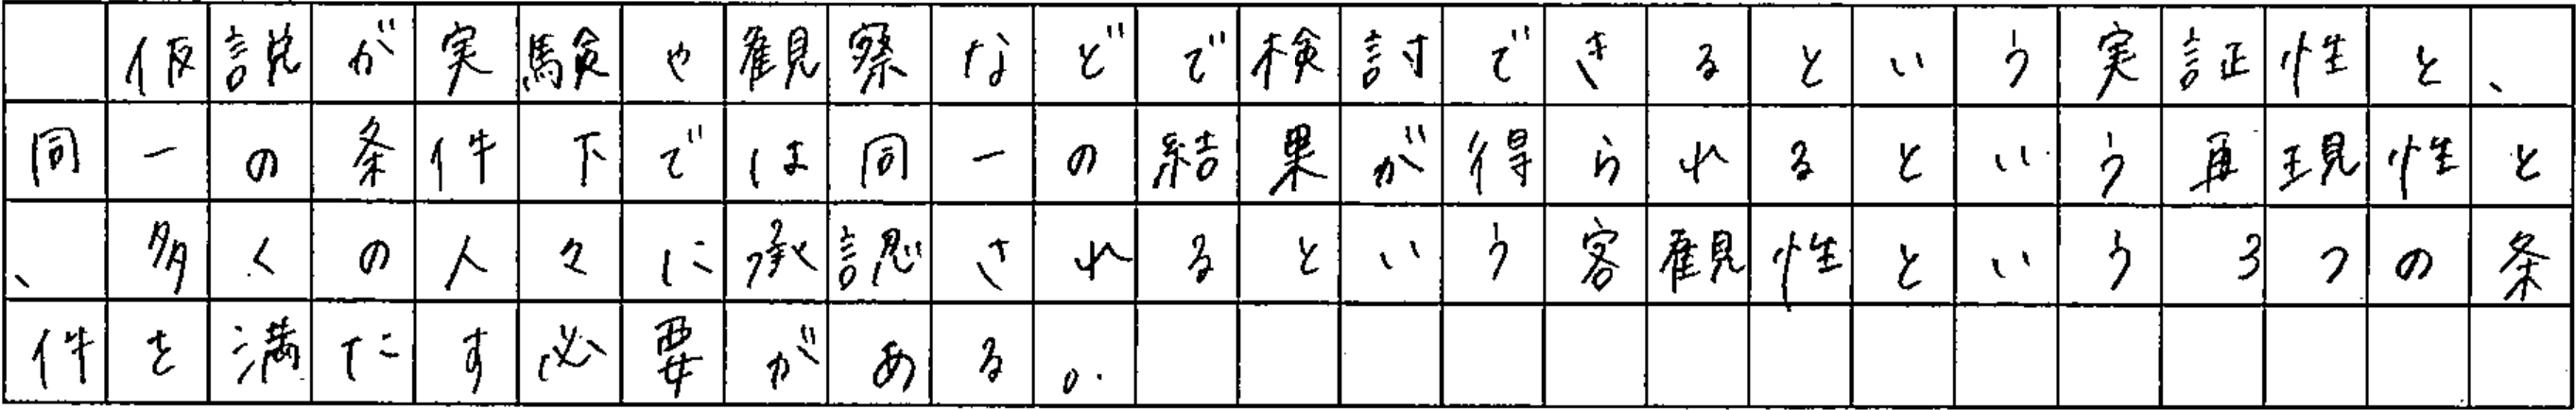　仮説が実験や観察などで検討できるという実証性と、同一の条件下では同一の結果が得られるという再現性と、多くの人々に承認されるという客観性という３つの条件を満たす必要がある。
